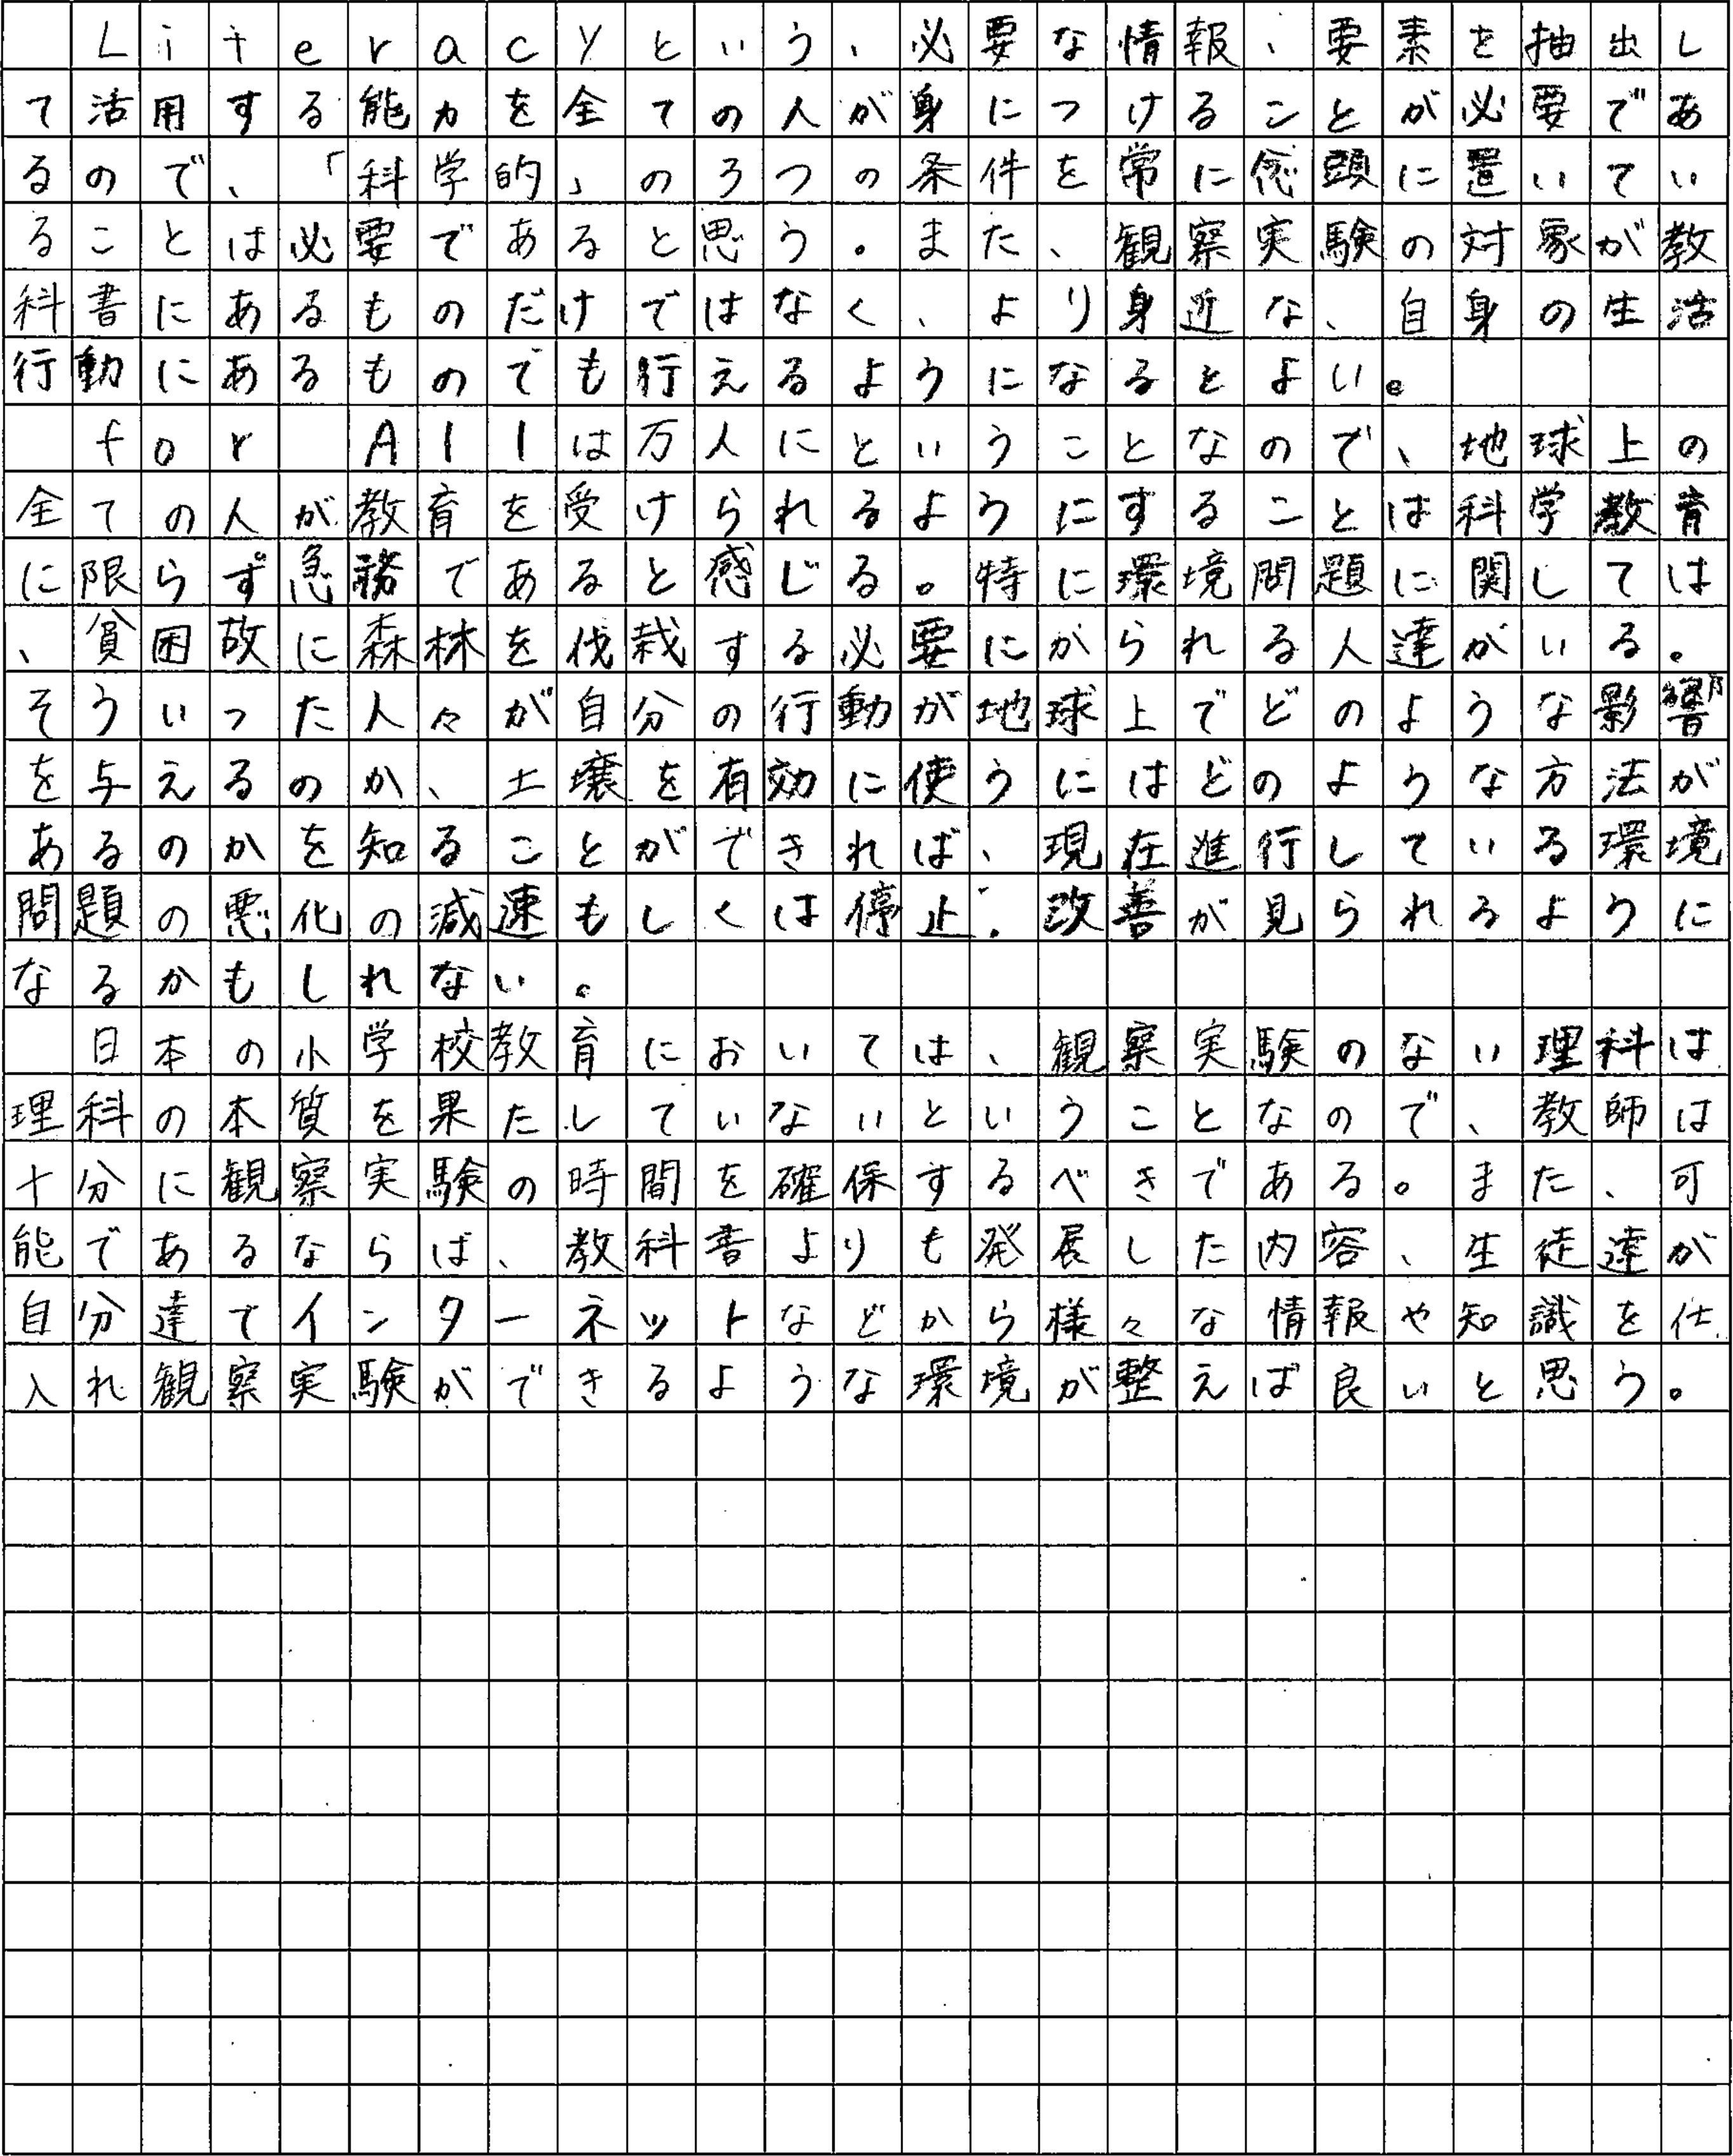　Ｌｉｔｅｒａｃｙという、必要な情報、要素を抽出して活用する能力を全ての人が身につけることが必要であるので、「科学的」の３つの条件を常に念頭に置いていることは必要であると思う。また、観察実験の対象が教科書にあるものだけではなく、より身近な、自身の生活行動にあるものでも行えるようになるとよい。
　ｆｏｒ　Ａｌｌは万人にということなので、地球上の全ての人が教育を受けられるようにすることは科学教育に限らず急務であると感じる。特に環境問題に関しては、貧困故に森林を伐栽する必要にかられる人達がいる。そういった人々が自分の行動が地球上でどのような影響を与えるのか、土壌を有効に使うにはどのような方法があるのかを知ることができれば、現在進行している環境問題の悪化の減速もしくは停止、改善が見られるようになるかもしれない。
　日本の小学校教育においては、観察実験のない理科は理科の本質を果たしていないということなので、教師は十分に観察実験の時間を確保するべきである。また、可能であるならば、教科書よりも発展した内容、生徒達が自分達でインターネットなどから様々な情報や知識を仕入れ観察実験ができるような環境が整えば良いと思う。
